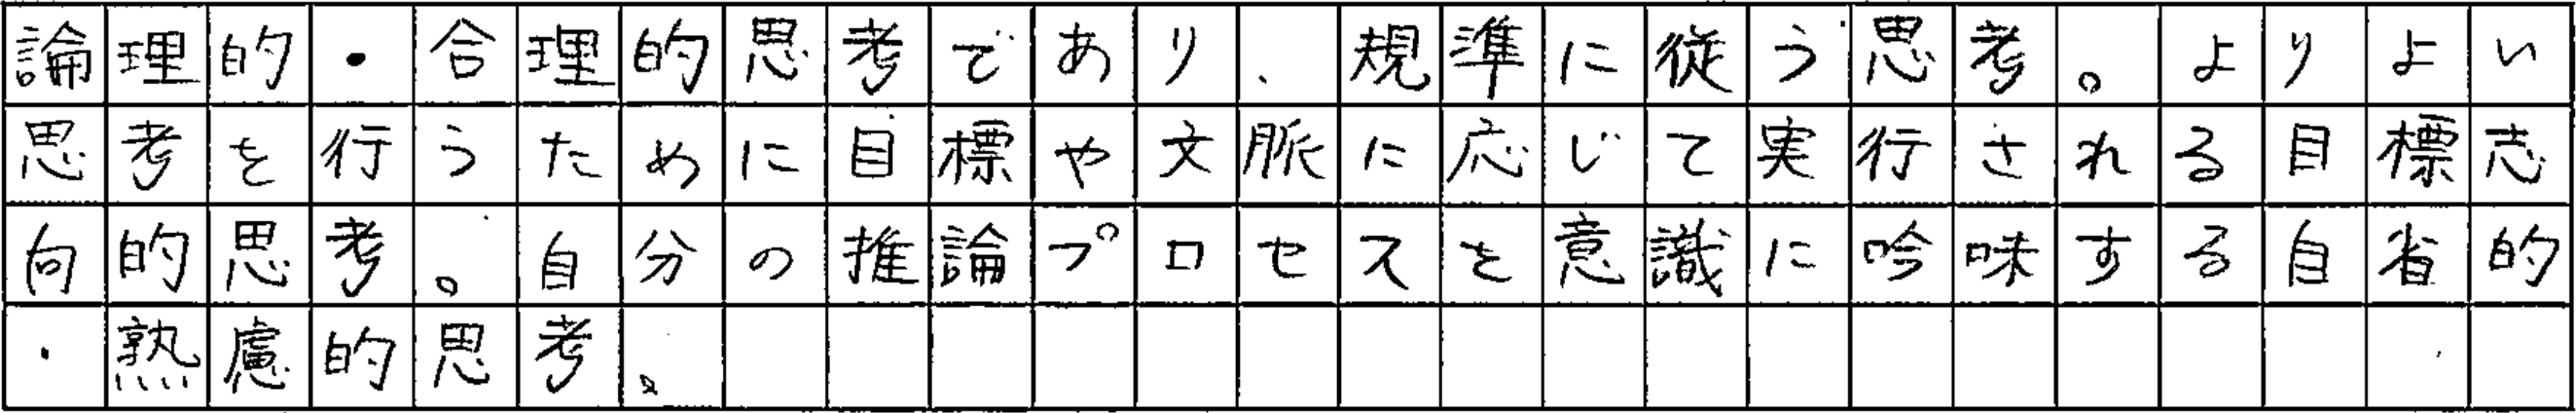論理的・合理的思考であり、規準に従う思考。よりよい思考を行うために目標や文脈に応じて実行される目標志向的思考。自分の推論プロセスを意識に吟味する自省的・熟慮的思考。
